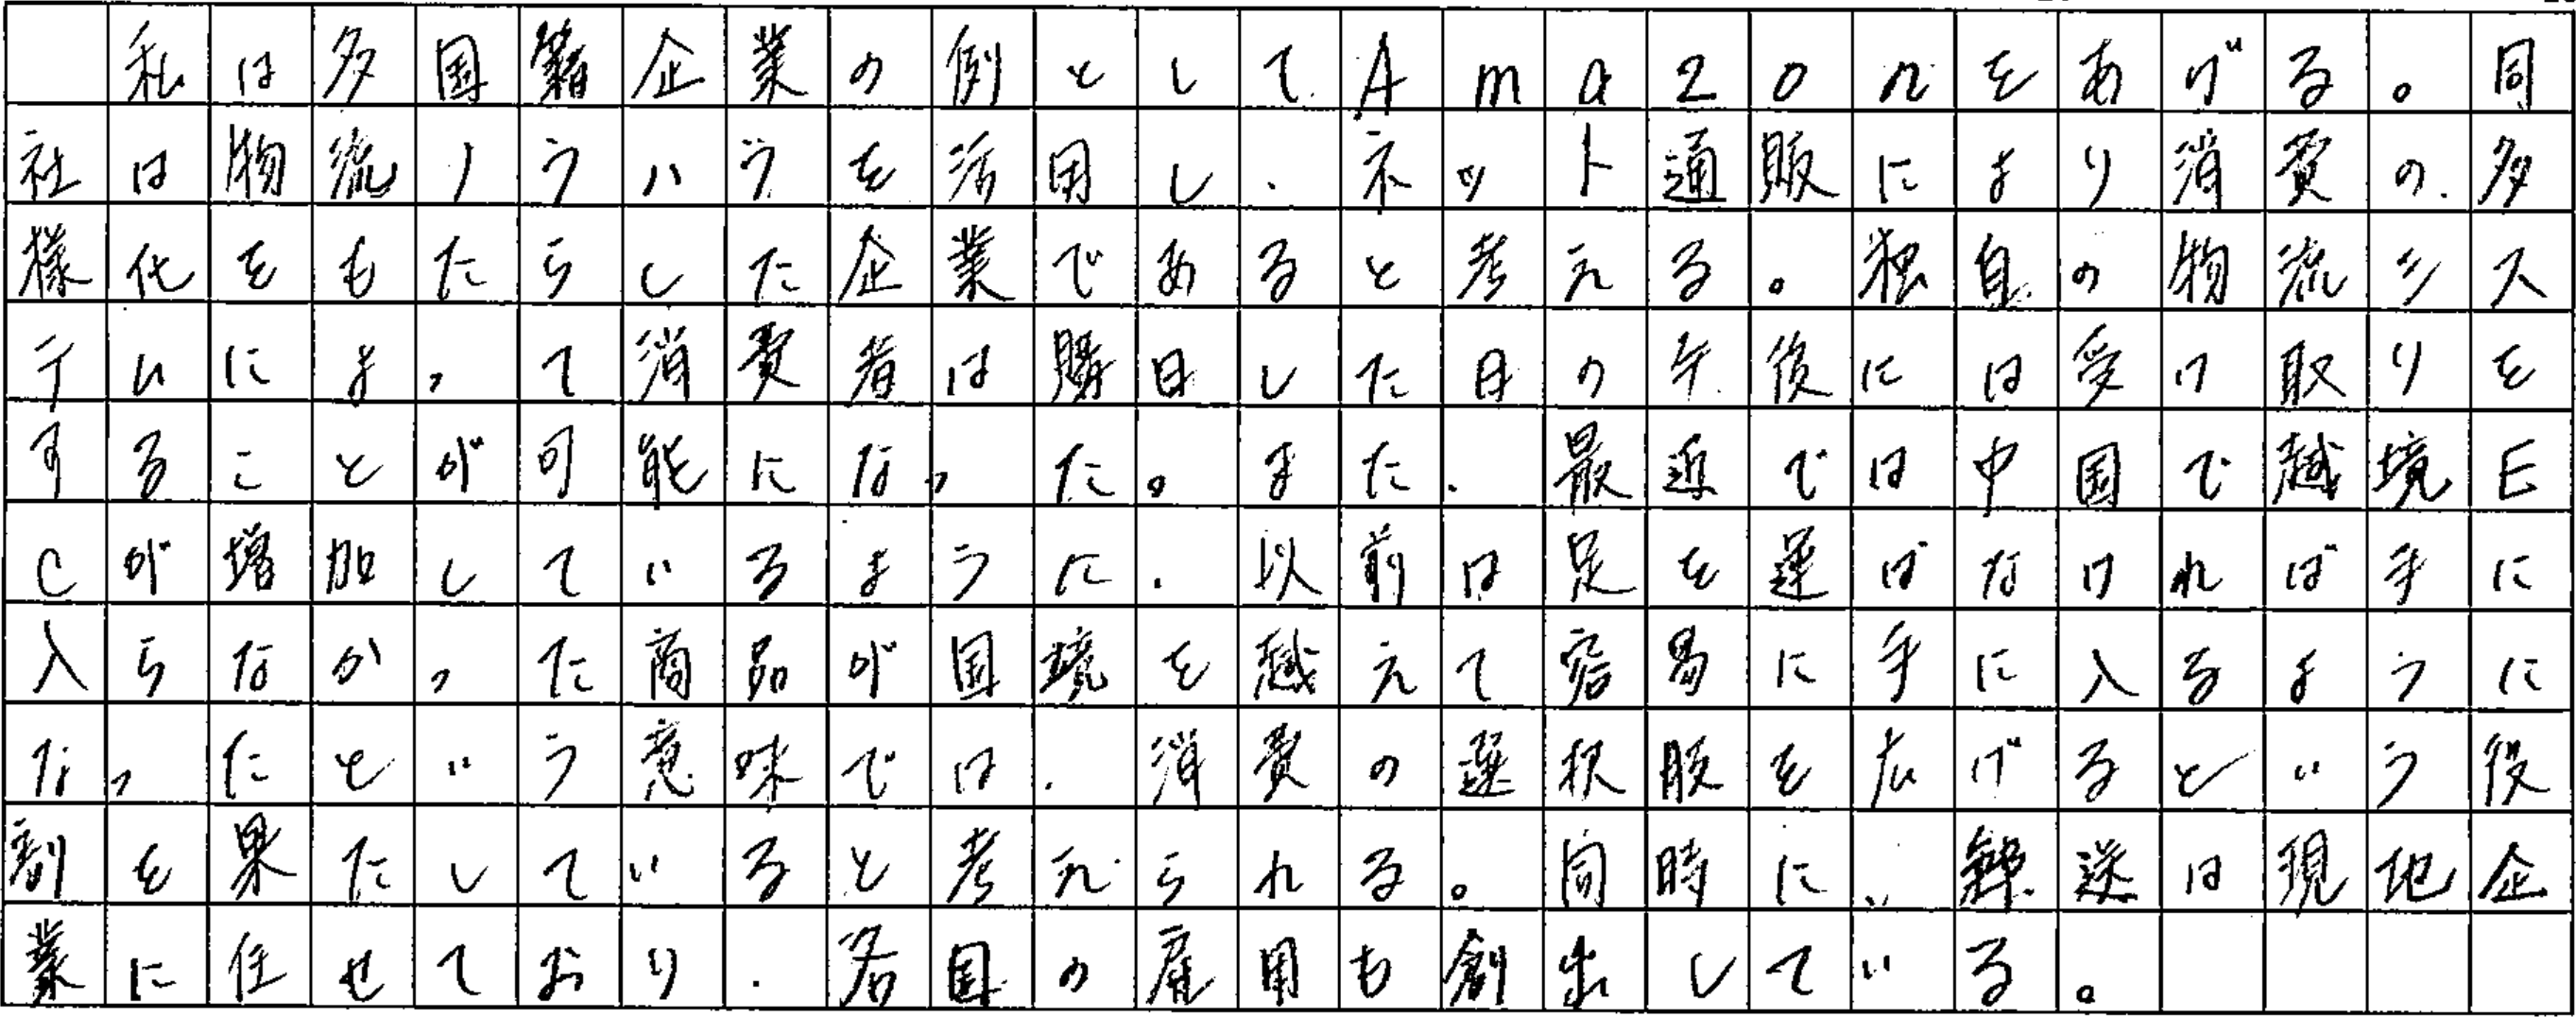　私は多国籍企業の例としてＡｍａｚｏｎをあげる。同社は物流ノウハウを活用し、ネット通販により消費の多様化をもたらした企業であると考える。独自の物流システムによって消費者は購日した日の午後には受け取りをすることが可能になった。また、最近では中国で越境ＥＣが増加しているように、以前は足を運ばなければ手に入らなかった商品が国境を越えて容易に手に入るようになったという意味では、消費の選択肢を広げるという役割を果たしていると考えられる。同時に、郵送は現地企業に任せており、各国の雇用も創出している。
